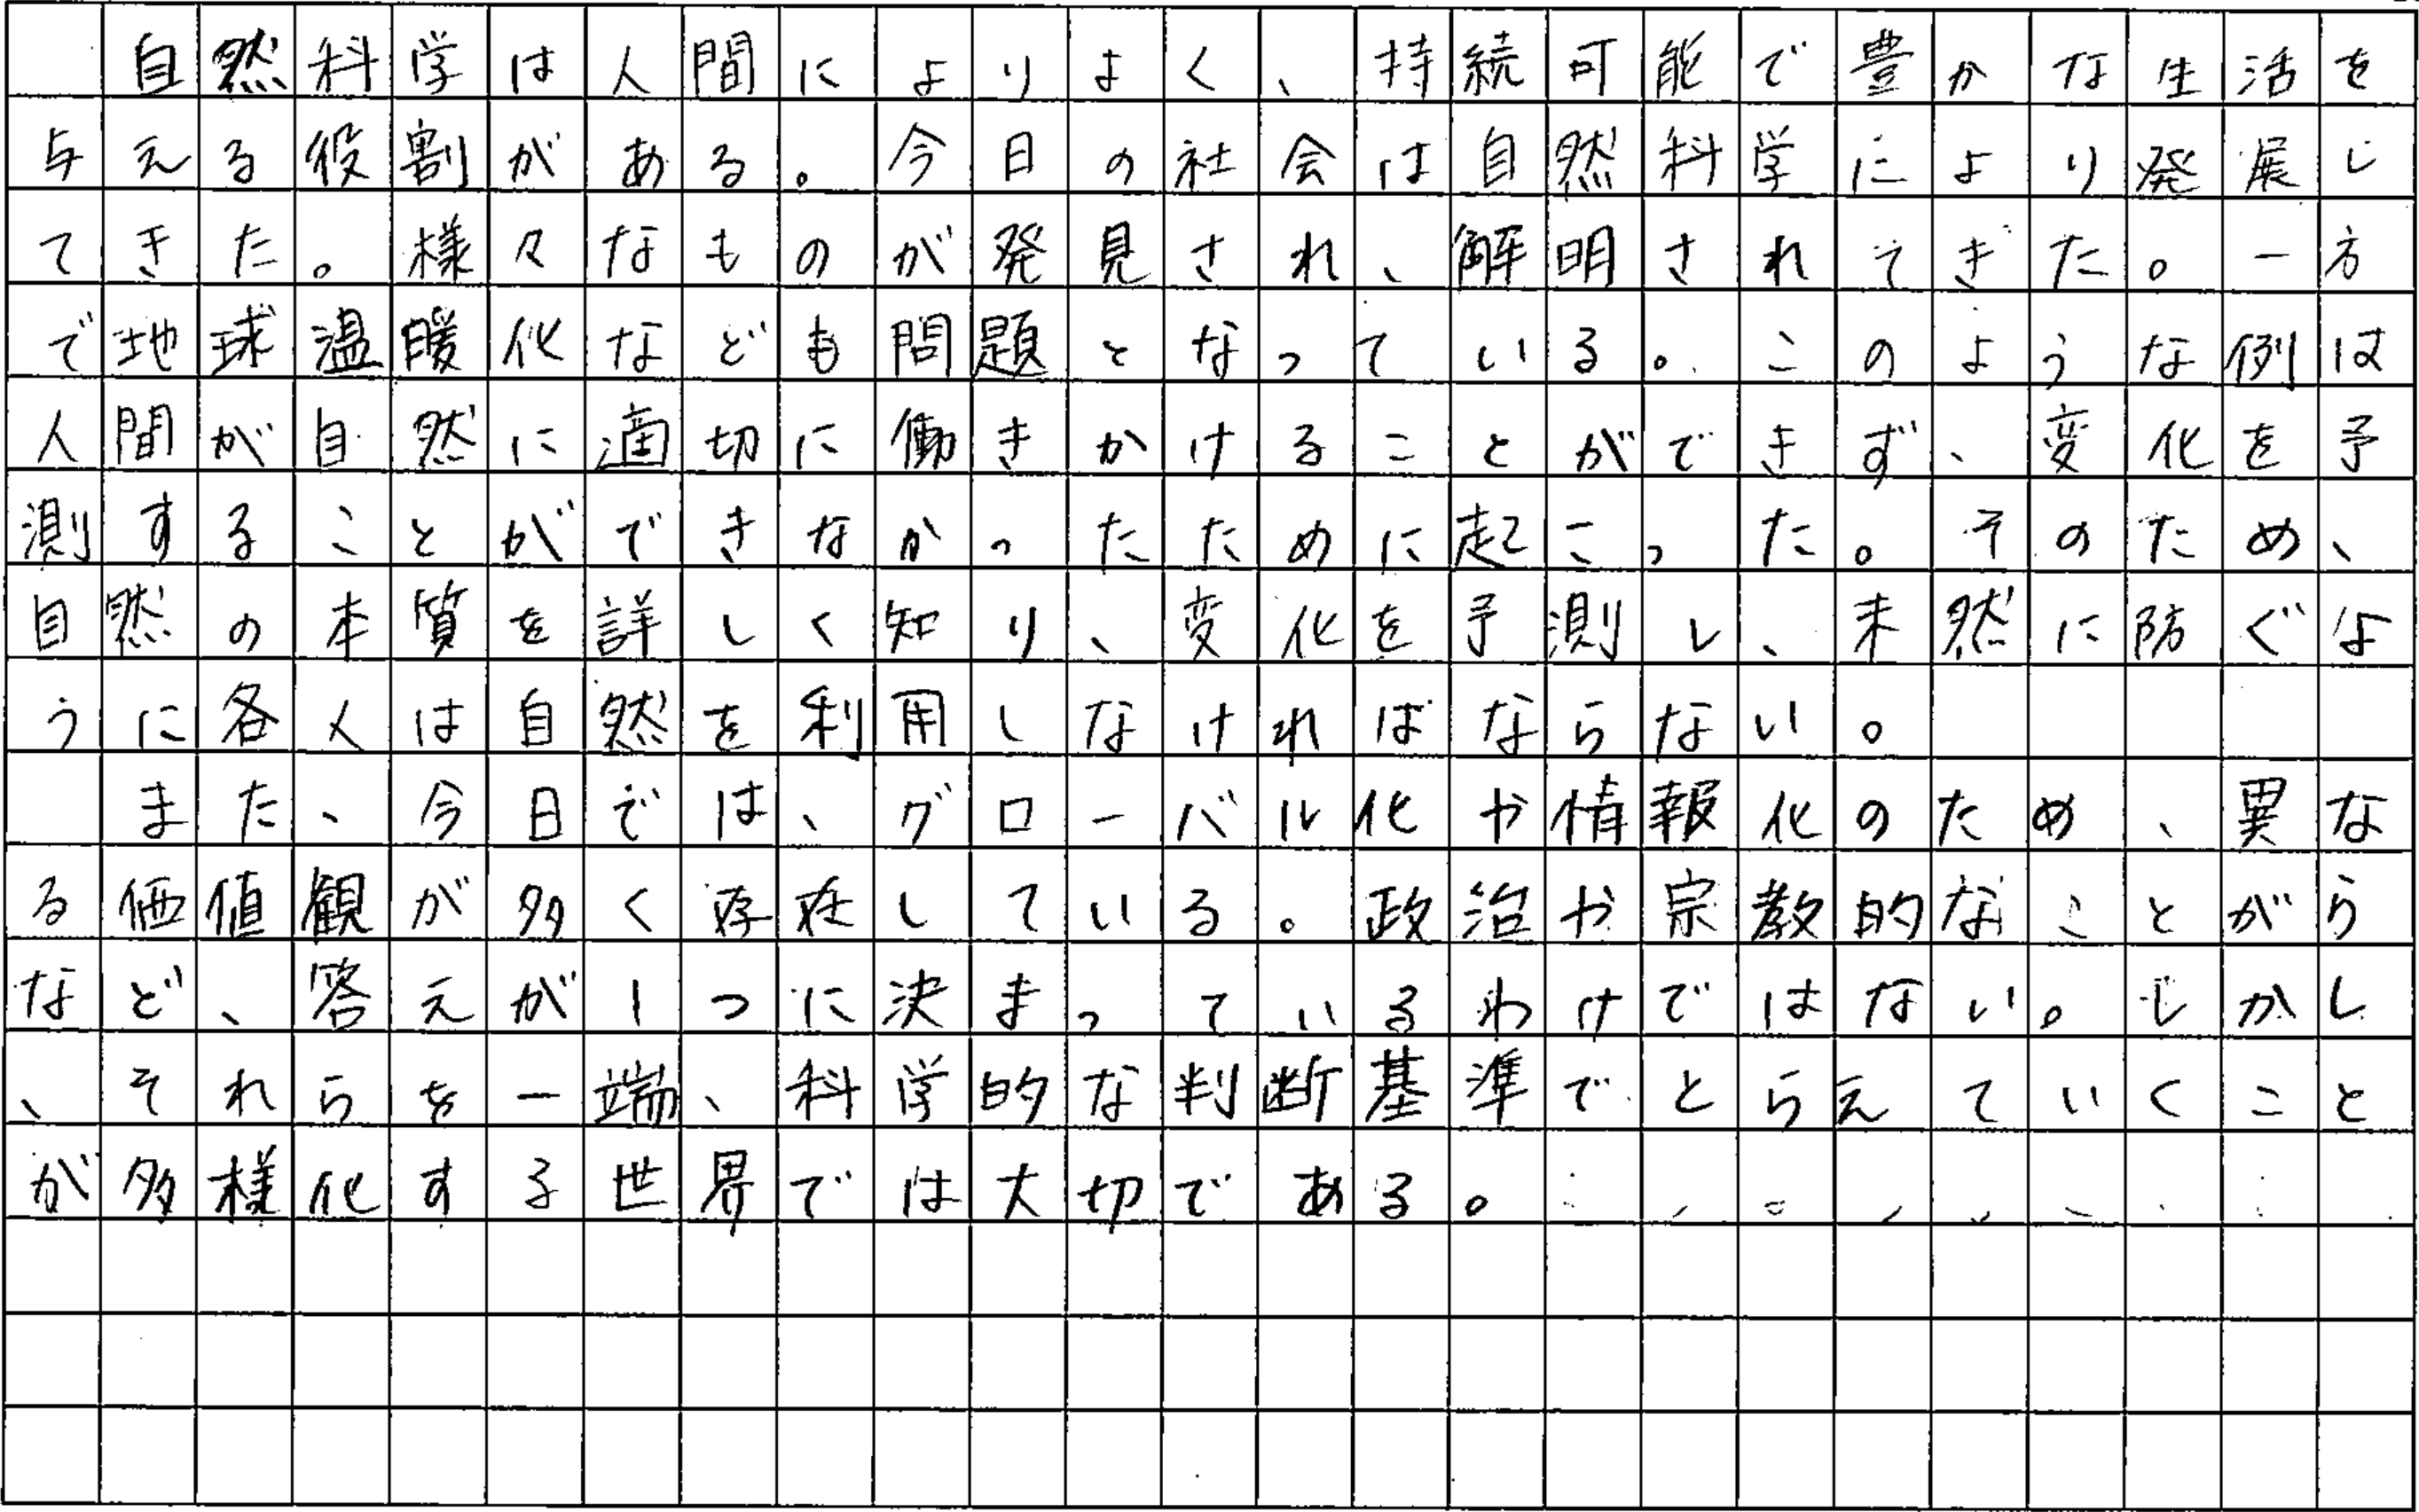　自然科学は人間によりよく、持続可能で豊かな生活を与える役割がある。今日の社会は自然科学により発展してきた。様々なものが発見され、解明されてきた。一方で地球温暖化なども問題となっている。このような例は人間が自然に適切に働きかけることができず、変化を予測することができなかったために起こった。そのため、自然の本質を詳しく知り、変化を予測し、未然に防ぐように各人は自然を利用しなければならない。
　また、今日では、グローバル化や情報化のため、異なる価値観が多く存在している。政治や宗教的なことがらなど、答えが１つに決まっているわけではない。しかし、それらを一端、科学的な判断基準でとらえていくことが多様化する世界では大切である。
